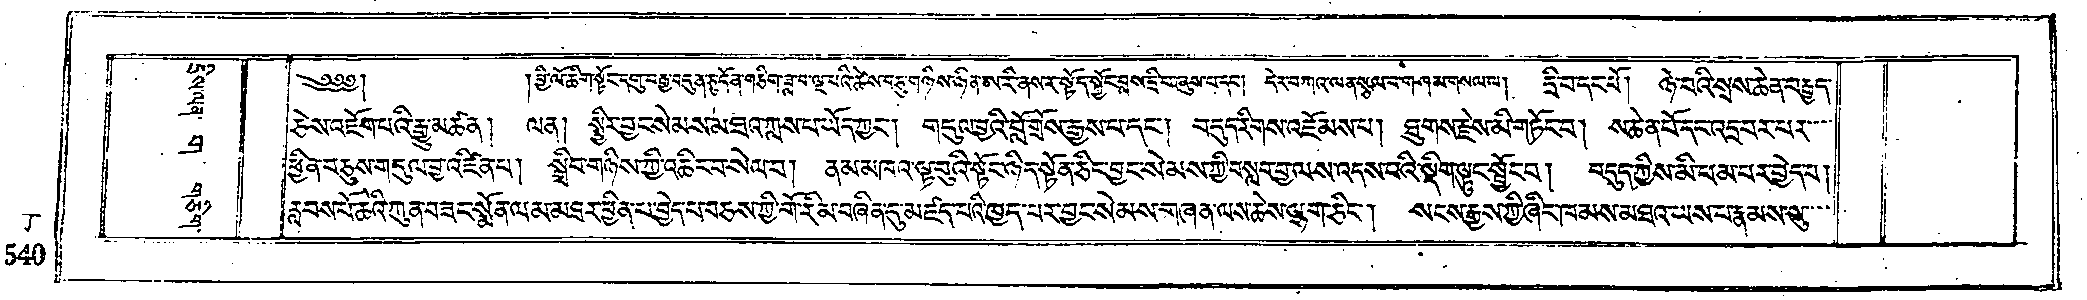༄༅༅། །ཕྱི་ལོ་ཆིག་སྟོང་དགུ་བརྒྱ་བདུན་ཅུ་དོན་གཅིག་ཟླ་བ་ལྔ་པའི་ཚེས་བཅུ་གཉིས་ཉིན་ཨ་རི་ནས་ར་སྟོད་སྐྱོང་བླས་དྲི་བ་ཞུས་ཕ་དང་། དེར་བཀའ་ལན་སྩལ་བ་གཤམ་གསལ་ལ།  དྲི་བ་དང་པོ། ཉེ་བའི་སྲས་ཆེན་བརྒྱད་
ཅེས་འཇོག་པའི་རྒྱུ་མཚན། ལན། སྤྱིར་བྱང་སེམས་མཐའ་ཀླས་པ་ཡོད་ཀྱང་། གདུལ་བྱའི་བློ་གྲོས་རྒྱས་པ་དང་། བདུད་རིགས་འཇོམས་པ། ཐུགས་རྗེས་མི་གཏོང་བ། ས་ཆེན་པོ་དང་འདྲ་བར་ཕར་་་
ཕྱིན་བཅུས་གདུལ་བྱ་འཛིན་པ། སྒྲིབ་གཉིས་ཀྱི་འཆིང་བ་སེལ་བ། ནམ་མཁའ་ལྟ་བུའི་སྟོང་ཉིད་སྟོན་ཅིང་བྱང་སེམས་ཀྱི་བསླབ་བྱ་ལས་འདས་བའི་སྡིག་ལྟུང་སྦྱོང་བ། བདུད་ཀྱིས་མི་ཕམ་པར་བྱེད་པ།
རླབས་པོ་ཆེའི་ཀུན་བཟང་སྨོན་ལམ་མཐར་ཕྱིན་པ་བྱེད་པ་བཅས་ཀྱི་གོ་རིམ་བཞིན་དུ་མཛད་པའི་ཁྱད་པར་བྱང་སེམས་གཞན་ལས་ཆེས་ལྷག་ཅིང་། སངས་རྒྱས་ཀྱི་ཞིང་ཁམས་མཐའ་ཡས་པ་རྣམས་སྐུ་་་